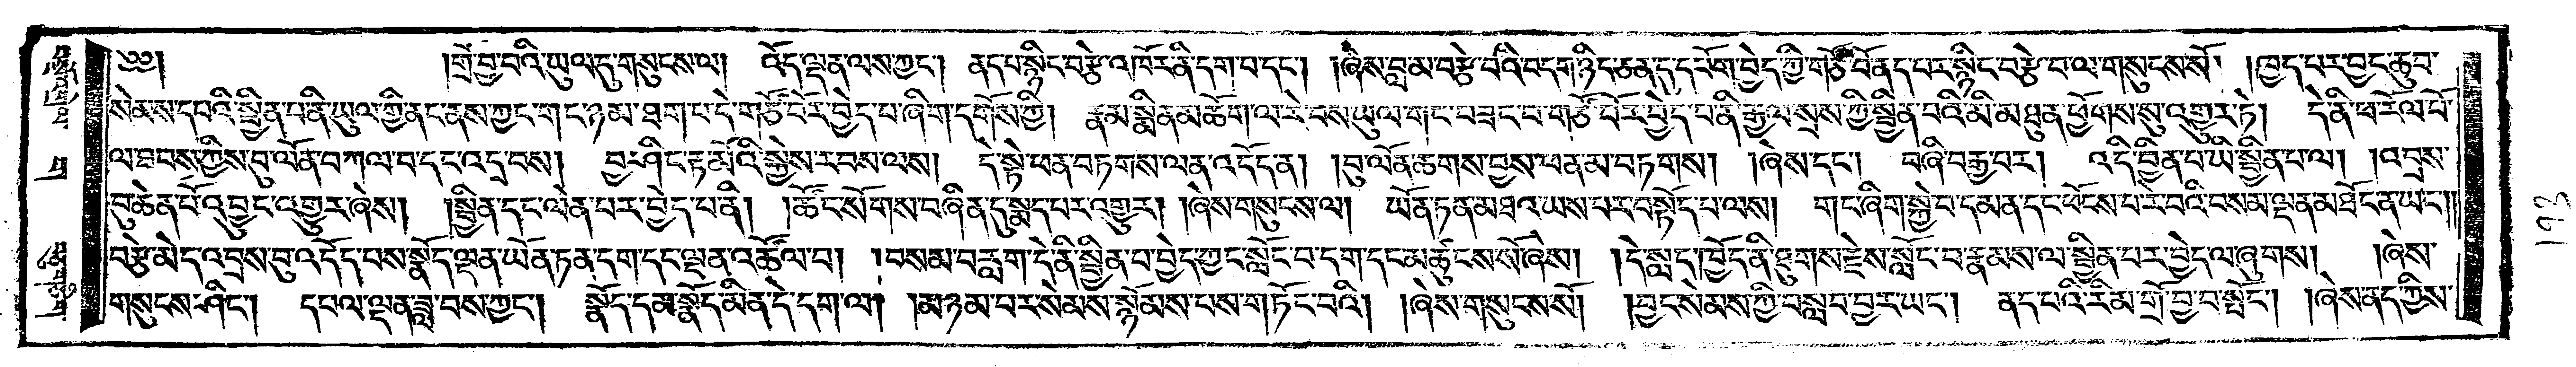༄༅། །གྲོ་བྱ་བའི་ཡུལ་དུ་གསུངས་ལ། འོད་ལྡན་ལས་ཀྱང་། ནད་པ་སྙིང་བརྩེ་འཁོར་ན་དག་པ་དང་། །ཞེས་བླ་མ་བརྩེ་བའི་བདག་ཉིད་ཅན་དུ་དཔག་བྱེད་ཀྱི་གཙོ་བོ་ནད་པར་སྙིང་བརྩེ་བ་ལ་གསུངས་སོ། །ཁྱད་པར་བྱང་ཆུབ་
སེམས་དཔའི་སྦྱིན་པ་ནི་ཡུལ་གྱི་ནང་ནས་ཀྱང་གང་ཉམ་ཐག་པ་དེ་གཙོ་བོར་བྱེད་པ་ཞིག་དགོས་ཀྱི། རྣམ་སྨིན་མཆོག་ལ་རེ་བས་ཡུལ་གང་བཟང་བ་གཙོ་བོར་བྱེད་པ་ནི་རྒྱལ་སྲས་ཀྱི་སྤྱིན་པའི་མི་མཐུན་ཕྱོགས་སུ་འགྱུར་ཏེ། དེ་ནི་ཕ་རོལ་པོ་
ལ་ཐབས་ཀྱིས་བུ་ལོན་བཀལ་པ་དང་འདྲ་བས། བྱ་ཤིང་རྟ་མོའི་སྐྱེས་རབས་ལས། དེ་སྟེ་ཕན་བཏགས་ལན་འདོད་ན། །བུ་ལོན་ཆགས་བྱས་ཕན་མ་བཏགས། །ཞེས་དང་། བཞི་བརྒྱ་བར། འདི་བྱིན་བ་ཡི་སྦྱིན་པ་ལ། །འབྲས་
བུ་ཆེན་པོ་འབྱུང་འགྱུར་ཞེས། །སྦྱིན་དང་ལེན་བར་བྱེད་བ་ནི། ཚོང་སོགས་བཞིན་དུ་སྨད་བར་འགྱུར། །ཞེས་གསུངས་ལ། ཡོན་ཏན་མཐའ་ཡས་པར་བསྟོད་པ་ལས། གང་ཞིག་སྐྱེབ་དམན་དང་ཕོངས་པ་རེ་བའི་བསམ་ལྡན་མཐོང་ན་ཡང་།
བརྩེ་མེད་འབྲས་བུ་འདོད་བས་སྣོད་ལྡན་ཡོན་ཏན་དག་དང་ལྡན་འཚོལ་བ། །བསམ་བརླག་དེ་ནི་སྤྱིན་པ་བྱེད་ཀྱང་སློང་བདག་དང་མཚུངས་སོ་ཞེས། །དེ་སླད་ཁྱོད་ནི་ཐུགས་རྗེས་སློང་བ་རྣམས་ལ་སྦྱིན་བར་བྱེད་ལ་ཞུགས། །ཞེས་
གསུངས་ཤིང་། དཔལ་ལྡན་ཟླ་བས་ཀྱང་། སྣོད་དམ་སྣོད་མིན་དེ་དག་ལ། །མཉམ་བར་སེམས་སྙོམས་པས་གཏོང་བའི། །ཞེས་གསུངས་སོ། །བྱར་སེམས་ཀྱི་བསླབ་བྱར་ཡང་། ནད་བའི་རིམ་གྲོ་བྱ་བ་སྤོང་། །ཞེས་ནད་ཀྱིས་